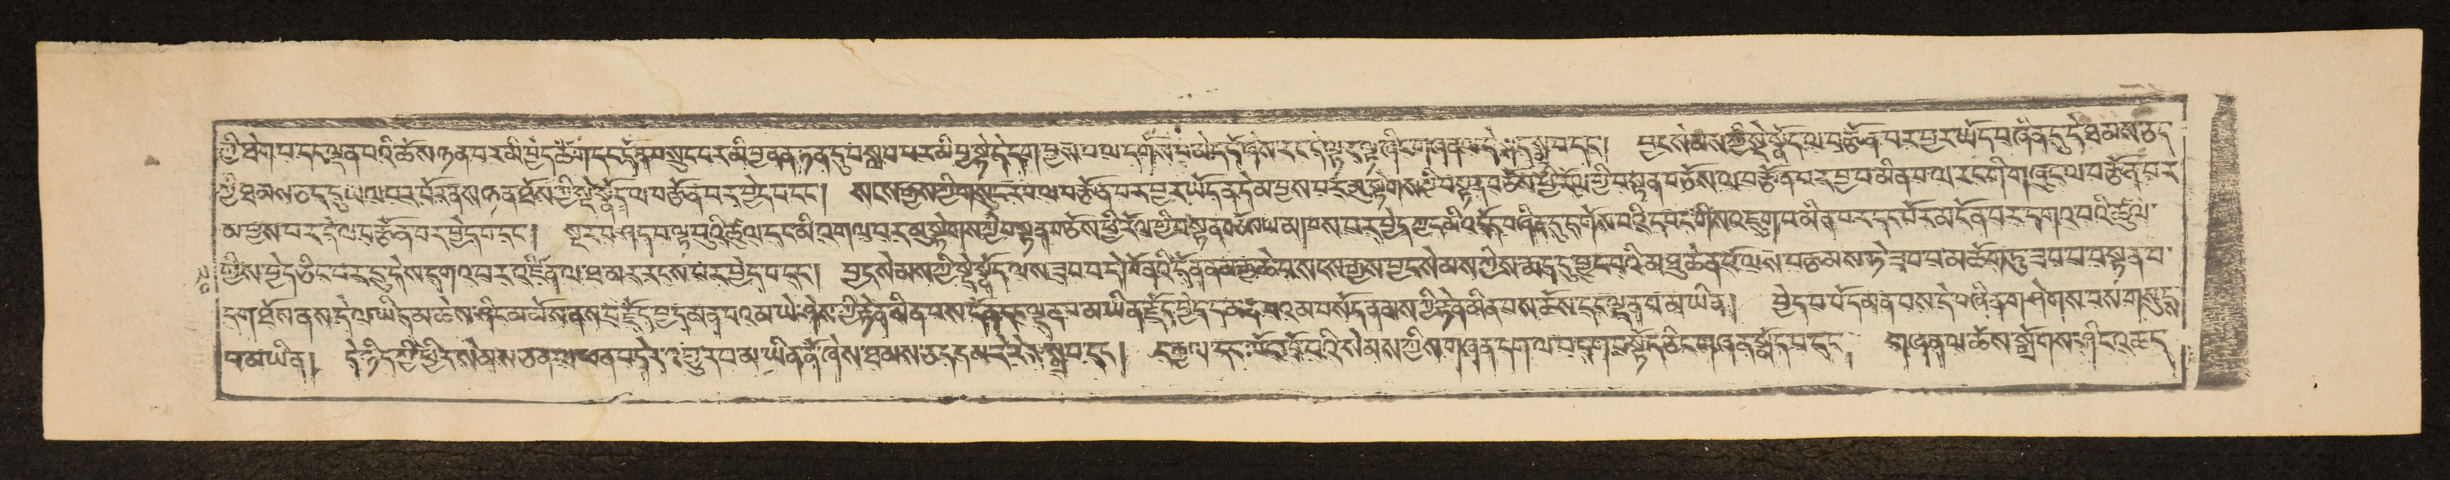ཀྱི་ཐེག་པ་དང་ལྡན་པའི་ཆོས་ཉན་པར་མི་བྱེད་ཚིག་དང་དོན་བསྲུང་བར་མི་བྱ་ནན་ཏན་དུ་བསླབ་པར་མི་བྱ་སྟེ་དེ་དག་བྱས་པ་ལ་དགོས་པ་མེད་དོ་ཞེས་རང་དེ་ལྟར་ལྟ་ཞིང་གཞན་ལ་དེ་སྒད་སྨྲ་བ་དང་། བྱང་སེམས་ཀྱི་སྡེ་སྣོད་ལ་བརྩོན་པར་བྱར་ཡོད་བཞིན་དུ་དེ་ཐམས་ཅད་
ཀྱི་ཐམས་ཅད་དུ་ཡལ་བར་བོར་ནས་ཉན་ཐོས་ཀྱི་སྡེ་སྣོད་ལ་བརྩོན་པར་བྱེད་པ་དང་། སངས་རྒྱས་ཀྱི་གསུང་རབ་ལ་བརྩོན་པར་བྱར་ཡོད་ན་དེ་མ་བྱས་པར་མུ་སྟེགས་ཀྱི་བསྟན་བཅོས་ཕྱི་རོལ་གྱི་བསྟན་བཅོས་ལ་བརྩོན་པར་བྱ་བ་མིན་པ་ལ་རང་གི་གཞུང་ལ་བརྩོན་པར་
མ་བྱས་པར་དེ་ལ་བརྩོན་པར་བྱེད་པ་དང་། སྔར་བཤད་པ་ལྟ་བུའི་ཚུལ་དང་མི་འགལ་བར་མུ་སྟེགས་ཀྱི་བསྟན་བཅོས་ཕྱི་རོལ་གྱི་བསྟན་བཅོས་ལ་མཁས་པར་བྱེད་ཀྱང་མི་འདོད་བཞིན་དུ་དགོས་པའི་དབང་གིས་འཇུག་པ་མིན་པར་དང་པོར་མངོན་པར་དགའ་བའི་ཚུལ་
གྱིས་བྱེད་ཅིང་བར་དུ་དེས་དགའ་བར་འཛིན་ལ་ཐ་མར་རངས་པར་བྱེད་པ་དང་། བྱང་སེམས་ཀྱི་སྡེ་སྣོད་ལས་ཟབ་པ་དེ་ཁོ་ནའི་དོན་ནམ་རྒྱ་ཆེ་བ་སངས་རྒྱས་བྱང་སེམས་ཀྱིས་རྨད་དུ་བྱུང་བའི་མཐུ་ཆེན་པོ་ལས་བརྩམས་ཏེ་ཟླ་བ་མཆོག་ཏུ་ཟབ་བ་བསྟན་པ་
དག་ཐོས་ནས་དེ་ལ་ཡིད་མ་ཆེས་ཤིང་མ་མོས་ནས་བརྗོད་བྱ་དམན་པའམ་ཡེ་ཤེས་ཀྱི་རྟེན་མིན་པས་དོན་དང་ལྡན་པ་མ་ཡིན་རྗོད་བྱེད་དམན་པའམ་བསོད་ནམས་ཀྱི་རྟེན་མིན་པས་ཆོས་དང་ལྡན་པ་མ་ཡིན། བྱེད་པ་བོ་དམན་པས་དེ་བཞིན་གཤེགས་པས་གསུངས་
པ་མ་ཡིན། དེ་ཉིད་ཀྱི་ཕྱིར་སེམས་ཅན་ལ་ཕན་པ་དེར་འགྱུར་བ་མ་ཡིན་ནོ་ཞེས་ཐམས་ཅད་དམ་རེ་རེས་སྨྲ་བ་དང་། ང་རྒྱལ་དང་ཁོང་ཁྲོ་བའི་སེམས་ཀྱིས་གཞན་དག་ལ་བདག་བསྟོད་ཅིང་གཞན་སྨོད་པ་དང་། གཞན་ལ་ཆོས་སྒྲོགས་ཤིང་འཆད་